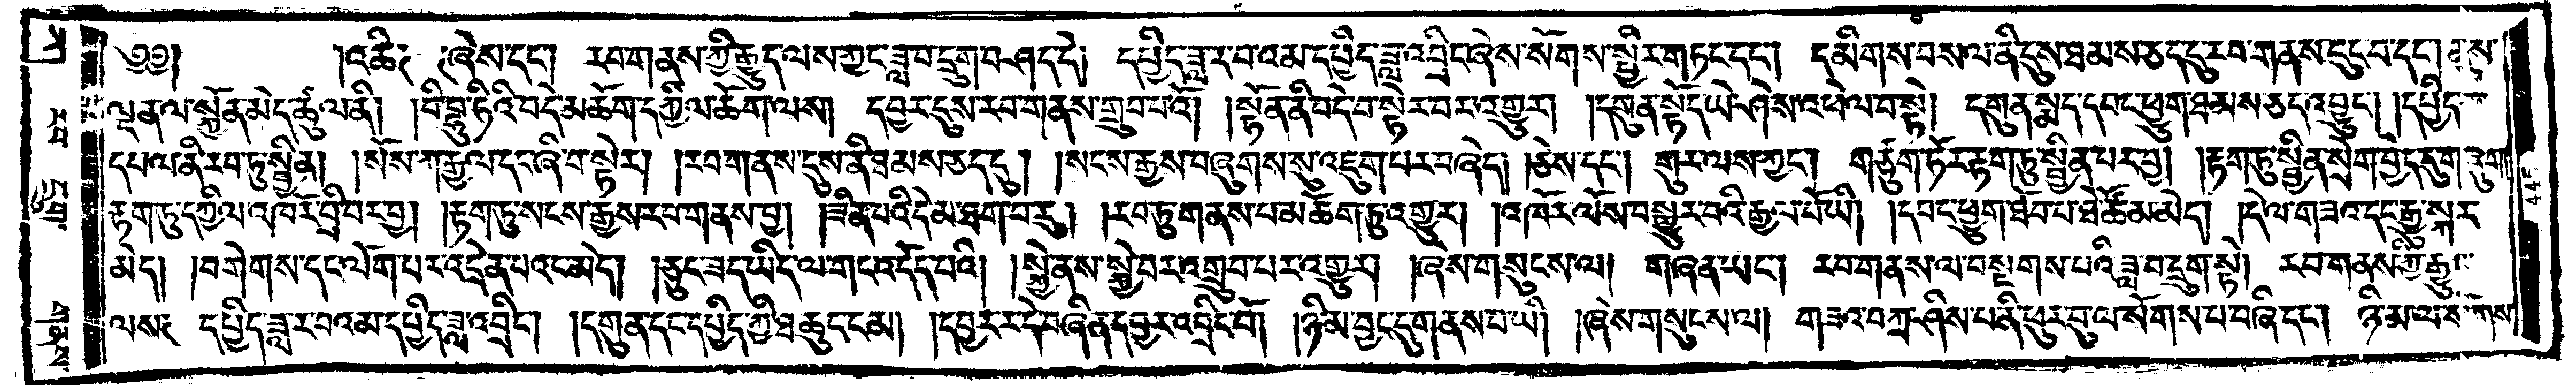༄༅། །འཆི། །ཞེས་དང་། རབ་གནས་ཀྱི་རྒྱུད་ལས་ཀྱང་ཟླ་བ་དྲུག་བཤད་དེ། དཔྱིད་ཟླ་ར་བའམ་དཔྱིད་ཟླ་འབྲིང་ཞེས་སོགས་སྤྱིར་གཏང་དང་། དམིགས་བསལ་ནི་དུས་ཐམས་ཅད་དུ་རབ་གནས་དུང་བ་དང་། ནུས་
ལྡན་ལ་སྐྱོན་མེད་ཚུལ་ནི། །བི་བྷུ་ཏིའི་བདེ་མཆོག་དཀྱིལ་ཆོག་ལས། དབྱར་དུས་རབ་གནས་གྲུབ་པའོ། །སྟོན་ནི་བདེ་བ་སྟེར་བར་འགྱུར། །དགུ་སྟོད་ཡེ་ཤེས་འཕེལ་བ་སྟེ། དགུན་སྨད་དབང་ཕྱུག་ཐམས་ཅད་འབྱུང་། །དཔྱིད་
དཔལ་ནི་རབ་ཏུ་སྦྱིན། །སོས་ཀ་རྒྱལ་དང་ཞི་བ་སྟེར། །རབ་གནས་དུས་ནི་ཐམས་ཅད་དུ། །སངས་རྒྱས་བཞུགས་སུ་འཇུག་པར་བཞེད། །ཅེས་དང་། གུར་ལས་ཀྱང་། །གཙུག་ཏོར་རྟག་ཏུ་སྦྱིན་པར་བྱ། །རྟག་ཏུ་སྦྱིན་སྲེག་བྱེད་དུ་གཞུག་
རྟག་ཏུ་དཀྱིལ་འཁོར་བྲི་བར་བྱ། །རྟག་ཏུ་སངས་རྒྱས་རབ་གནས་བྱ། །ཟིན་པའི་དེ་མ་ཐག་པ་རུ། །རབ་ཏུ་གནས་པ་མཆོག་ཏུ་འགྱུར། །འཁོར་ལོས་བསྒྱུར་པའི་རྒྱལ་པོ་ཡི། །དབང་ཕྱུག་ཐོབ་པ་ཐེ་ཚོམ་མེད། །དེ་ལ་གཟའ་དང་རྒྱུ་སྐར་
མེད། །བགེགས་དང་ལོག་པར་འདྲེན་པའང་མེད། །ཅུང་ཟད་ཡིད་ལ་གང་འདོད་པའི། །སྐྱེ་ནས་སྐྱེ་བར་འགྲུབ་པར་འགྱུར། །ཞེས་གསུངས་ལ། གཞན་ཡང་། རབ་གནས་ལ་བསྔགས་པའི་ཟླ་བ་དྲུག་སྟེ། རབ་གནས་ཀྱི་རྒྱུང་
ལས། དཔྱིད་ཟླ་ར་བའམ་དཔྱིད་ཟླ་འབྲིང་། །དགུན་དང་དཔྱིད་ཀྱི་ཐ་ཆུང་ངམ། །དབྱར་ར་དེ་བཞིན་དབྱར་འབྲིང་བོ། །ཉི་མ་བྱང་དུ་གནས་པ་ཡི། །ཞེས་གསུངས་ལ། གཟའ་བཀྲ་ཤིས་པ་ནི་ཕུར་བུ་ལ་སོགས་པ་བཞི་དང་། ཉི་མ་ལ་སོགས་